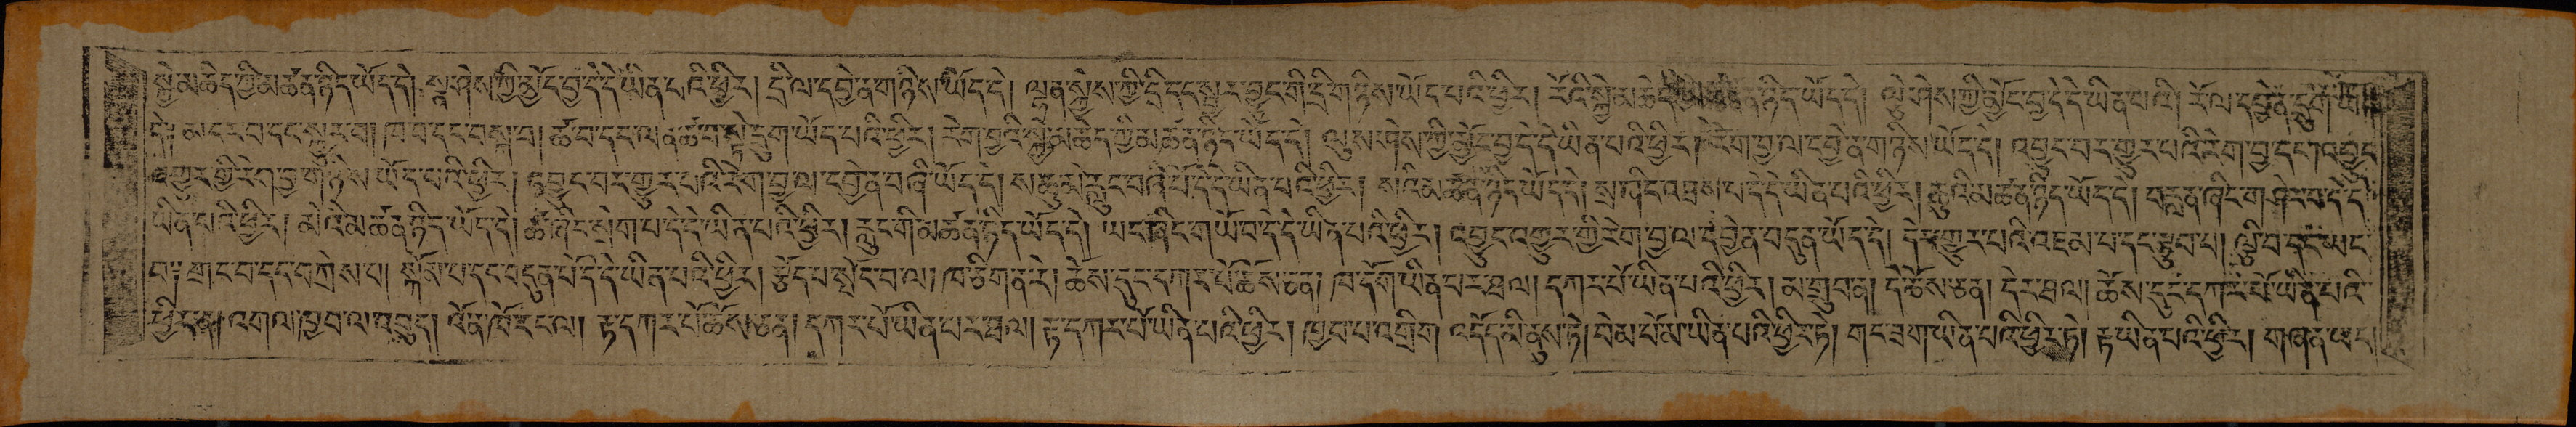སྐྱེ་མཆེད་ཀྱི་མཚན་ཉིད་ཡོད་དེ། སྣ་ཤེས་ཀྱི་མྱོང་བྱ་དེ་དེ་ཡིན་པའི་ཕྱིར། དྲི་ལ་དབྱེ་ན་གཉིས་ཡོད་དེ། ལྷན་སྐྱེས་ཀྱི་དྲི་དང་སྦྱར་བྱུང་གི་དྲི་གཉིས་ཡོད་པའི་ཕྱིར། རོའི་སྐྱེ་མཆེད་ཀྱི་མཚན་ཉིད་ཡོད་དེ། ལྕེ་ཤེས་ཀྱི་མྱོང་བྱ་དེ་དེ་ཡིན་པའི། རོལ་དབྱེ་ན་དྲུག་ཡོད་
དེ༑ མངར་བ་དང་སྐྱུར་བ། ཁ་བ་དང་བསྐ་བ། ཚ་བ་དང་ལན་ཚ་བ་སྟེ་དྲུག་ཡོད་པའི་ཕྱིར། རེག་བྱའི་སྐྱེ་མཆེད་ཀྱི་མཚན་ཉིད་ཡོད་དེ། ལུས་ཤེས་ཀྱི་མྱོང་བྱ་དེ་དེ་ཡིན་པའི་ཕྱིར། རེག་བྱ་ལ་དབྱེ་ན་གཉིས་ཡོད་དེ། འབྱུང་བར་གྱུར་པའི་རེག་བྱ་དང་། འབྱུང་
འགྱུར་གྱི་རེག་བྱ་གཉིས་ཡོད་པའི་ཕྱིར། འབྱུང་བར་གྱུར་པའི་རེག་བྱ་ལ་དབྱེ་ན་བཞི་ཡོད་དེ། ས་ཆུ་མེ་རླུང་བཞི་པོ་དེ་དེ་ཡིན་པའི་ཕྱིར། སའི་མཚན་ཉིད་ཡོད་དེ། སྲ་ཞིང་འཐས་པ་དེ་དེ་ཡིན་པའི་ཕྱིར། ཆུའི་མཚན་ཉིད་ཡོད་དེ། བརླན་ཞིང་གཤེར་བ་དེ་དེ་
ཡིན་པའི་ཕྱིར། མེའི་མཚན་ཉིད་ཡོད་དེ། ཚ་ཞིང་སྲེག་པ་དེ་དེ་ཡིན་པའི་ཕྱིར། རླུང་གི་མཚན་ཉིད་ཡོད་དེ། ཡང་ཞིང་གཡོ་བ་དེ་དེ་ཡིན་པའི་ཕྱིར། འབྱུང་འགྱུར་གྱི་རེག་བྱ་ལ་དབྱེ་ན་བདུན་ཡོད་དེ། དེར་གྱུར་པའི་འཇམ་པ་དང་རྩུབ་པ། ལྕི་བ་དང་ཡང་
བ༑ གྲང་བ་དང་བཀྲེས་པ། སྐོམ་པ་དང་བདུན་པོ་དེ་དེ་ཡིན་པའི་ཕྱིར། རྩོད་པ་སྤོང་བ་ལ། ཁ་ཅིག་ན་རེ། ཆོས་དུང་དཀར་པོ་ཆོས་ཅན། ཁ་དོག་ཡིན་པར་ཐལ། དཀར་པོ་ཡིན་པའི་ཕྱིར། མ་གྲུབ་ན། དེ་ཆོས་ཅན། དེར་ཐལ། ཆོས་དུང་དཀར་པོ་ཡིན་པའི་
ཕྱིར་ན། འགལ་ཁྱབ་ལ་འབུད། འོ་ན་ཁོ་རང་ལ། རྟ་དཀར་པོ་ཆོས་ཅན། དཀར་པོ་ཡིན་པར་ཐལ། རྟ་དཀར་པོ་ཡིན་པའི་ཕྱིར། ཁྱབ་པ་འགྲིག་འདོད་མི་ནུས་ཏེ། བེམ་པོ་མ་ཡིན་པའི་ཕྱིར་ཏེ། གང་ཟག་ཡིན་པའི་ཕྱིར་ཏེ། རྟ་ཡིན་པའི་ཕྱིར། གཞན་ཡང་།